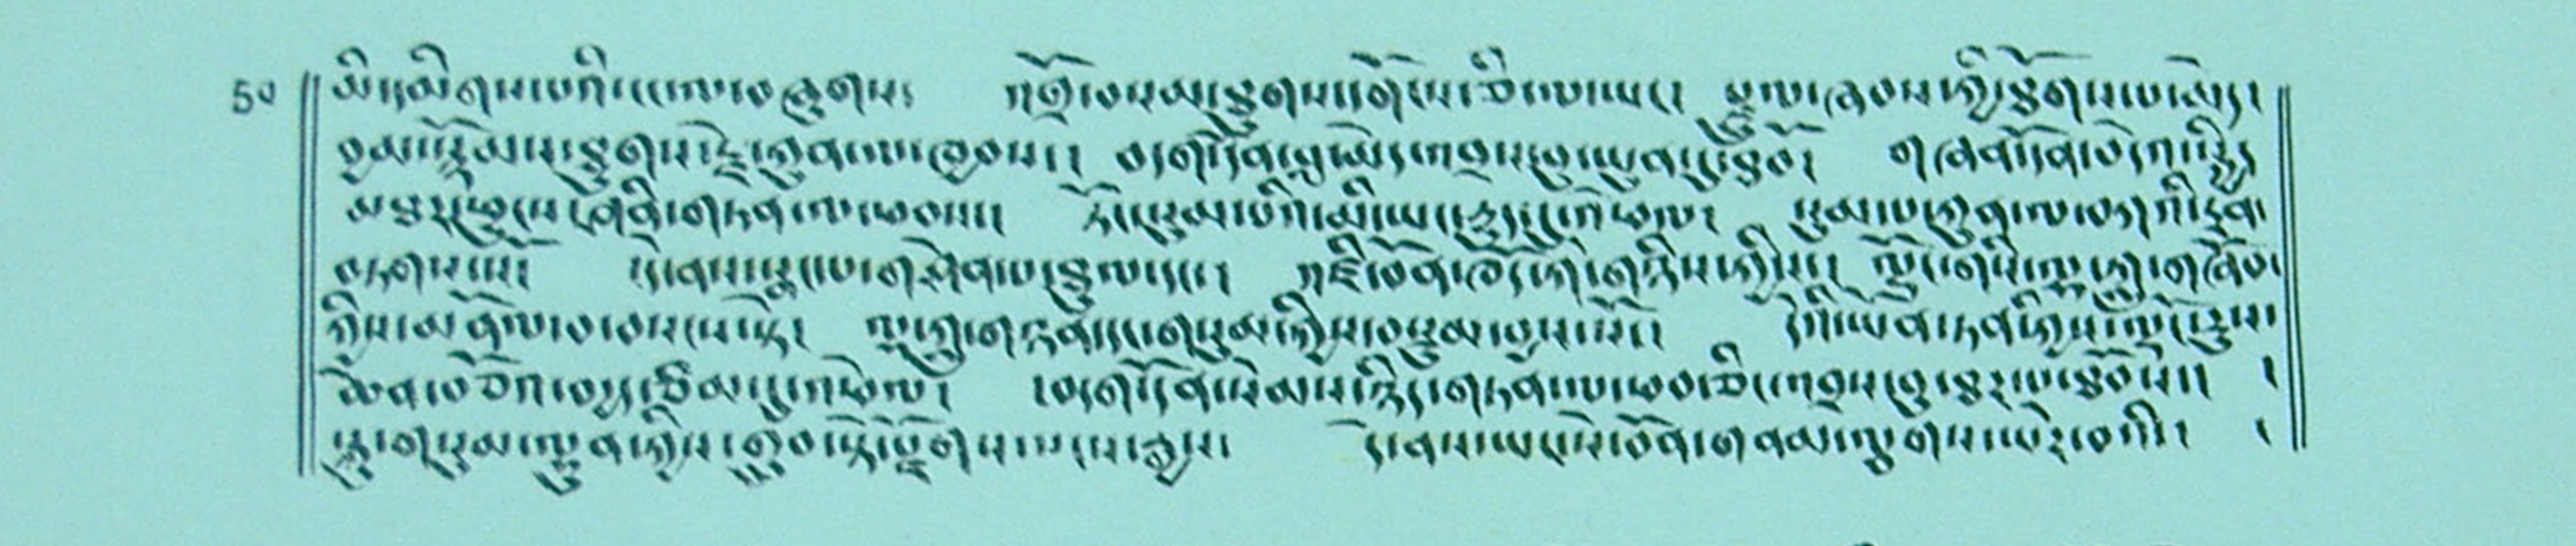མི་དམིགས་པའི་ངང་ལ་བཞུགས། འགྲོ་བསམ་ཐུགས་དགོངས་ཅི་ལ་ཡང་། རྫུ་འཕྲུལ་ཞབས་ཀྱི་ཐོགས་པ་མེད། 
བྱམས་སྙོམས་ཐུགས་རྗེས་ཀུན་ལ་ཁྱབ། བདག་དོན་བླ་མེད་འབྲས་བུ་མངོན་དུ་ཐོབ། གཞན་དོན་བདེ་སྐྱིད་
མཐར་ཕྱུངས་གཏན་ལ་ཕབས། སྟོང་གསུམ་པའི་མི་ཡང་རྒྱུད་དུ་འཕེལ། སུམ་པ་ཀུན་ལ་བཀའ་དྲིན་
བཏགས་སོ། །དེ་ནས་སྣང་བ་གཤེན་པ་ཐུལ་དང་། འཛི་བོན་ཁོད་ཀེ་གཉིས་ཀྱིས། ལྡོང་གི་ལྷ་ཀླུ་གཞོབ་
ཀྱི་མནོལ་བ་བསང་སྟེ། ལྷ་ཀླུ་གཉན་དང་གསུམ་གྱིས་བསྡུམ་བྱས་སོ། །དེའི་ཡོན་ཏན་གྱིས་ལྡོང་རུས་
ཆེན་བཅོ་བརྒྱད་ཙམ་དུ་འཕེལ། བདག་དོན་སེམས་ཉིད་གཏན་ལ་ཕབས་ཅིང་འབྲས་བུ་ཐར་བ་ཐོབ། 
སྐུ་གསུམ་ལྷུན་གྱིས་གྲུབ་སྟེ་རྫོགས་སངས་རྒྱས། དེ་ནས་ཡང་སེ་བོན་གནམ་ལྕགས་ཡེར་བའི་